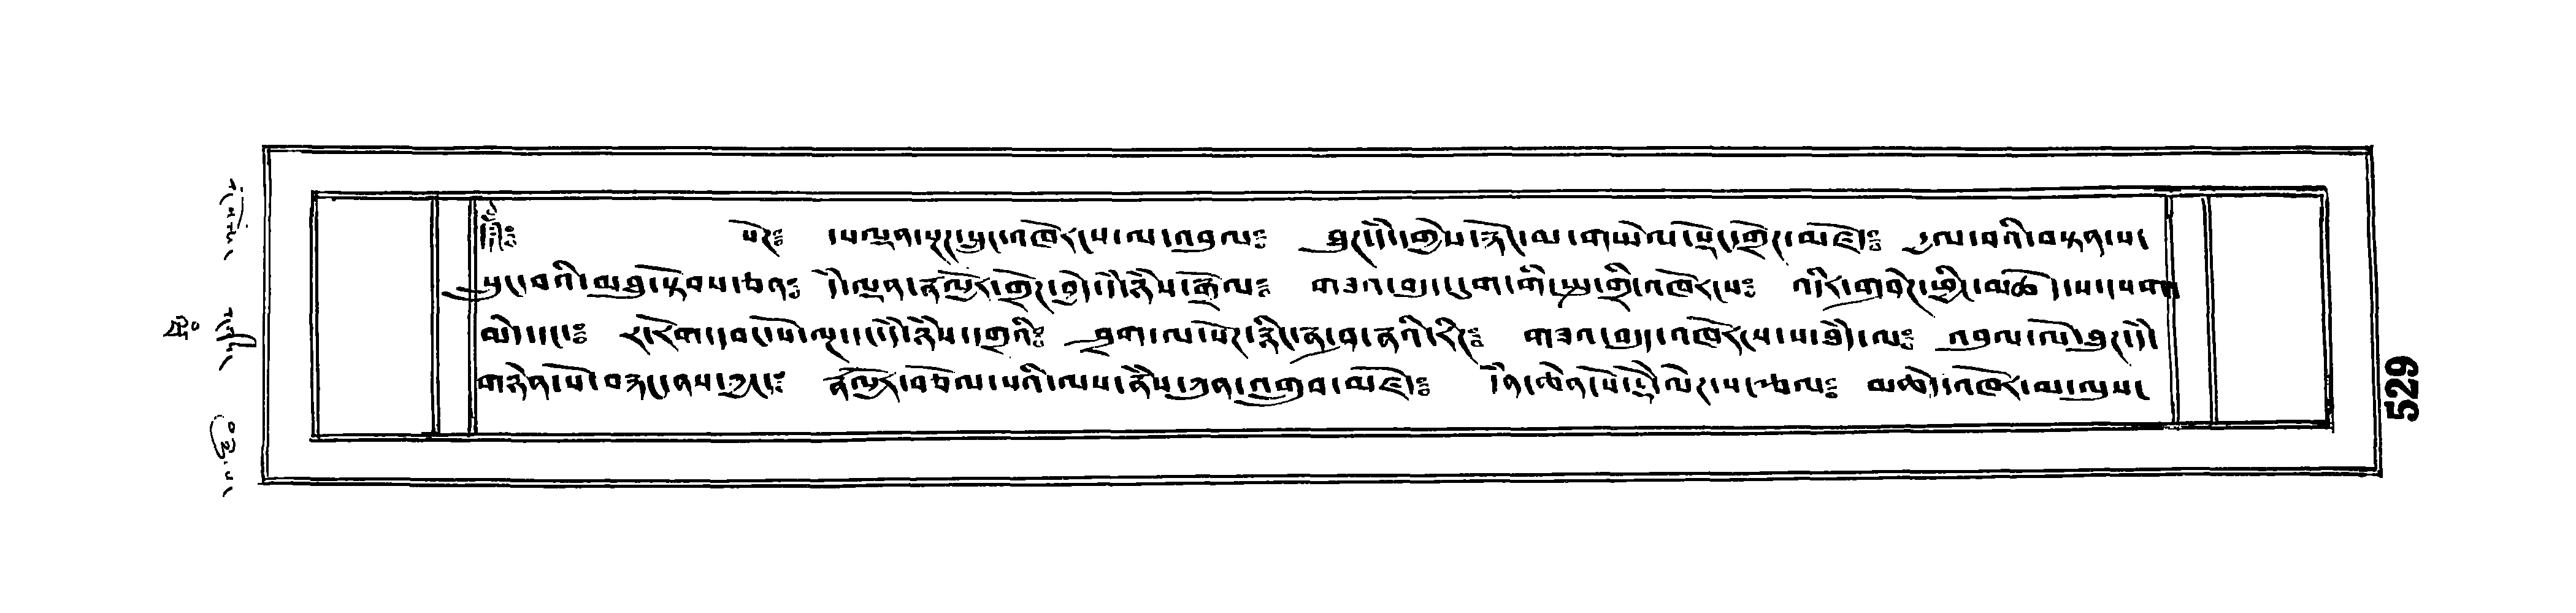སོགས༔ དཔལ་ལྡན་སྔགས་སྲུང་འཁོར་དང་བཅས་ལ་འབུལ༔ ཐུགས་དམ་དགྱེས་སྐོང་མ་གཡེལ་སྡོང་གྲོགས་མཛོད༔ རྒྱལ་བའི་བསྟན་པ་
སྲུང་བའི་མཐུ་སྟོབས་ཅན༔ དམ་ལྡན་རྣལ་འབྱོར་གྲོགས་བྱེད་དམ་ཉམས་སྒྲོལ༔ གཟའ་བདུད་དུག་གི་སྤུ་གྲི་འཁོར་དང་བཅས༔ འདིར་གཤེགས་ཕྱི་ནང་མཆོད་པ་དཔག་
མེད་དང༔ ར་རོག་དབང་པོ་ལྔ་དང་དམ་ཉམས་དགྲའི༔ ཤ་ཁྲག་ལ་སོགས་སྙིང་སྣ་ཤ་སྣའི་རིགས༔ གཟའ་བདུད་འཁོར་དང་བཅས་པ་ཐམས་ཅད་ལ༔ འབུལ་ལོ་ཐུགས་དམ་
གཉེན་པོ་བསྐང་ནས་ཀྱང༔ རྣལ་འབྱོར་བཅོལ་པའི་ལས་རྣམས་ཀུན་འགྲུབ་མཛོད༔ དམ་ཅན་ཆེན་པོ་རྡོ་རྗེ་ལེགས་པ་རྩལ༔ མཆེད་འཁོར་མ་ལུས་